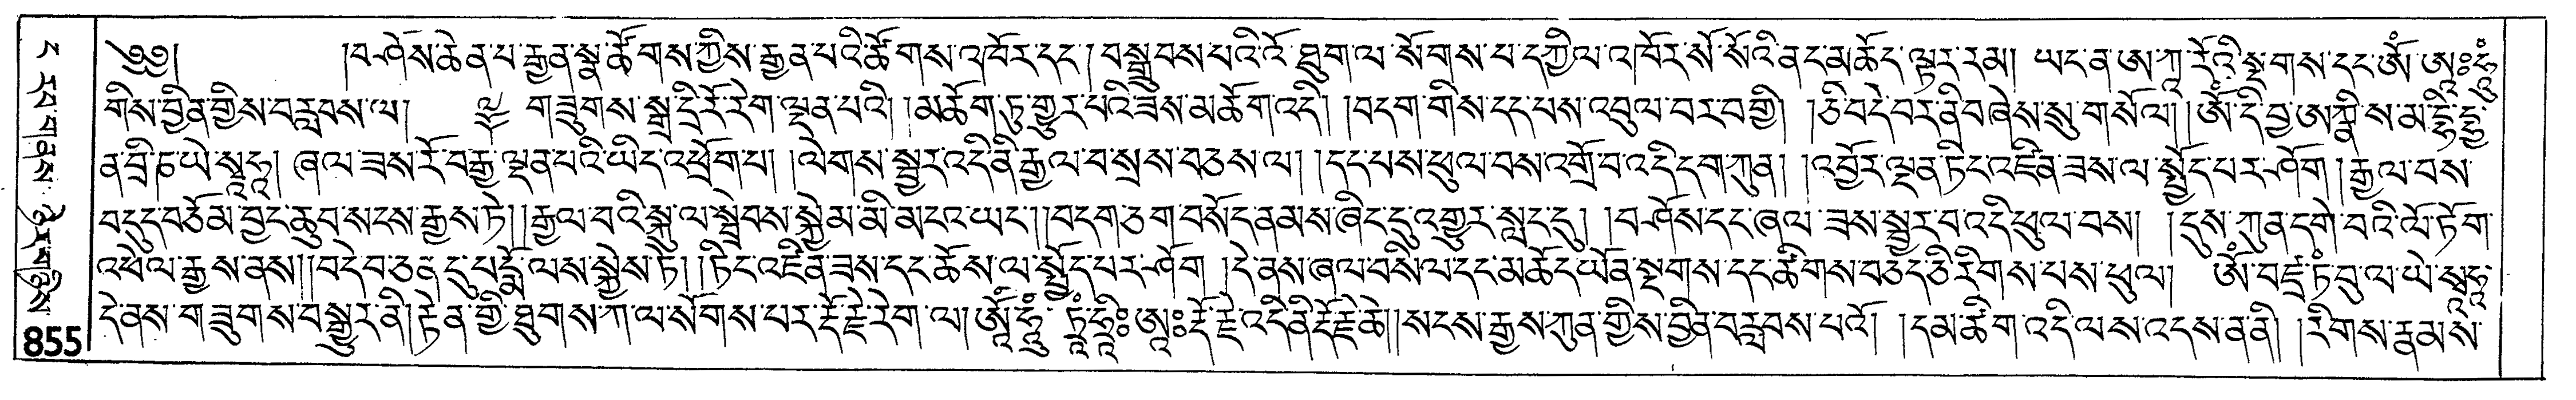༄༅། །བཤོས་ཆེན་པ་རྒྱན་སྣ་ཚོགས་ཀྱིས་རྒྱན་པའི་ཚོགས་འཁོར་དང་། བསྒྲུབས་པའི་འོ་ཐུག་ལ་སོགས་པ་དཀྱིལ་འཁོར་སོ་སོའི་ནང་མཆོད་ལྟར་རམ། ཡང་ན་ཨ་ཀཱ་རོའི་སྔགས་དང་ཨོཾ་ཨཱཿ ཧཱུཾ་
གིས་བྱིན་གྱིས་བརླབས་ལ། ༈ གཟུགས་སྒྲ་དྲི་རོ་རེག་ལྡན་པའི། །མཆོག་ཏུ་གྱུར་པའི་ཟས་མཆོག་འདི། །བདག་གིས་དད་པས་འབུལ་བར་བགྱི། །ཅི་བདེ་བར་ནི་བཞེས་སུ་གསོལ། །ཨོཾ་དི་བྱ་ཨཀྣི་ས་མ་དྷི་དྷྱ་
ན་བྲི་ཎ་ཡེ་སྭཱཧཱ། ཞལ་ཟས་རོ་བརྒྱ་ལྡན་པའི་ཡིད་འཕྲོག་པ། །ལེགས་སྦྱར་འདི་ནི་རྒྱལ་བ་སྲས་བཅས་ལ། །དད་པས་ཕུལ་བས་འགྲོ་བ་འདི་དག་ཀུན། །འབྱོར་ལྡན་ཏིང་འཛིན་ཟས་ལ་སྤྱོད་པར་ཤོག །རྒྱལ་བས་
བདུད་བཅོམ་བྱང་ཆུབ་སངས་རྒྱས་ཏེ། །རྒྱལ་བའི་སྐུ་ལ་སྦྲེབས་སྐྱེམ་མི་མངའ་ཡང་། །བདག་ཅག་བསོད་ནམས་ཞིང་དུ་འགྱུར་སླང་དུ། །བཤོས་དང་ཞལ་ཟས་སྦྱར་བ་འདི་ཕུལ་བས། །དུས་ཀུན་དགེ་བའི་ལོ་ཏོག་
འཕེལ་རྒྱས་ནས། །བདེ་བ་ཅན་དུ་པདམོ་ལས་སྐྱེས་ཏེ། །ཏིང་འཛིན་ཟས་དང་ཆོས་ལ་སྤྱོད་པར་ཤོག །དེ་ནས་ཞལ་བསིལ་དང་མཆོད་ཡོན་སྔགས་དང་ཚིགས་བཅད་ཅི་རིགས་པས་ཕུལ། ཨོཾ་བཛྲ་ཏཾ་བུ་ལ་ཡེ་སྭཱཧཱ་
དེ་ནས་གཟུགས་བསྒྱུར་ནི། རྟེན་གྱི་ཐུགས་ཀ་ལ་སོགས་པར་རྡོ་རྗེ་རེག་ལ། OM་ཧཱུཾ་ཏྲཱཾ་ཧྲཱིཿ ཨཱཿ རྡོ་རྗེ་འདི་ནི་རྡོ་རྗེ་ཆེ། །སངས་རྒྱས་ཀུན་གྱིས་བྱིན་བརླབས་པའོ། །དམ་ཚིག་འདི་ལས་འདས་ན་ནི། །རིགས་རྣམས་